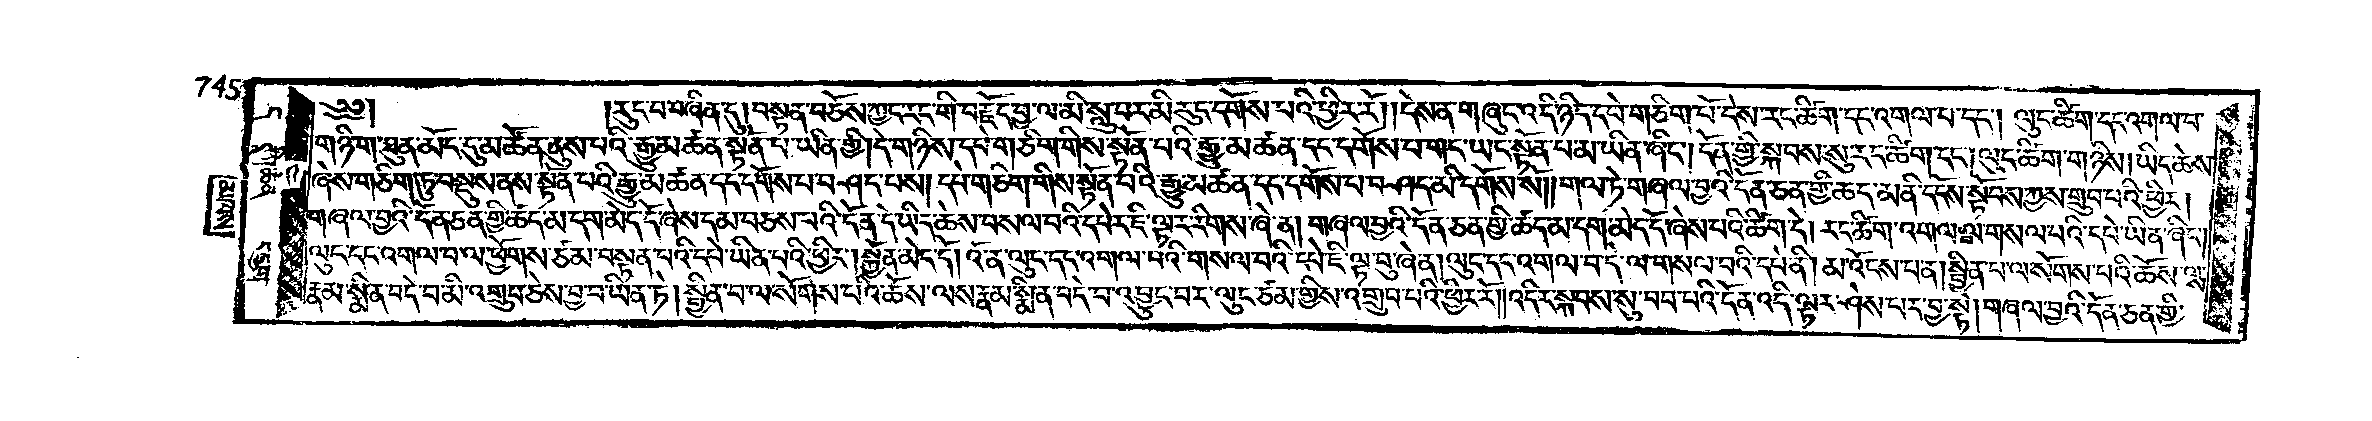༄༅། །རུང་བ་བཞིན་དུ། བསྟན་བཅོས་ཀྱང་རང་གི་བརྗོད་བྱ་ལ་མི་སླུ་བར་མི་རུང་དགོས་པའི་ཕྱིར་རོ། །དེས་ན་གཞུང་འདི་ཉིད་དཔེ་གཅིག་པོ་དེས་རང་ཚིག་དང་འགལ་བ་དང་། ལུང་ཚིག་དང་འགལ་བ་
གཉི་ག་ཐུན་མོང་དུ་མཚོན་ནུས་པའི་རྒྱུ་མཚན་སྟོན་པ་ཡིན་གྱི། དེ་གཉིས་དཔེ་གཅིག་གིས་སྟོན་པའི་རྒྱུ་མཚན་དང་དགོས་པ་གང་ཡང་སྟོན་པ་མ་ཡིན་ཞིང་། དོན་གྱི་སྐབས་སུ་རང་ཚིག་དང་། ལུང་ཚིག་གཉིས། ཡིད་ཆེས་
ཞེས་གཅིག་ཏུ་བསྡུས་ནས་སྟོན་པའི་རྒྱུ་མཚན་དང་དགོས་པ་བཤད་པས། དཔེ་གཅིག་གིས་སྟོན་པའི་རྒྱུ་མཚན་དང་དགོས་པ་བཤད་མི་དགོས་སོ། །གལ་ཏེ་གཞལ་བྱའི་དོན་ཅན་གྱི་ཆད་མ་ནི་དངོས་སྟོབས་ཀྱིས་གྲུབ་པའི་ཕྱིར།
གཞལ་བྱའི་དོན་ཅན་གྱི་ཚད་མ་དག་མེད་དོ་ཞེས་དམ་བཅས་པའི་དོན་དེ་ཡིད་ཆེས་བསལ་བའི་དཔེར་ཇི་ལྟར་རིགས་ཞེ་ན། གཞལ་བྱའི་དོན་ཅན་གྱི་ཚད་མ་དག་མེད་དོ་ཞེས་པའི་ཚིག་དེ། རང་ཚིག་འགལ་བ་ལ་གསལ་བའི་དཔེ་ཡིན་ཞིང་།
ལུང་དང་འགལ་བ་ལ་ཕྱོགས་ཙམ་བསྟན་པའི་དཔེ་ཡིན་པའི་ཕྱིར། སྐྱོན་མེད་དོ། །འོ་ན་ལུང་དང་དང་འགལ་བའི་གསལ་བའི་དཔེ་ཇི་ལྟ་བུ་ཞེ་ན། ལུང་དང་འགལ་བ་དེ་ལ་གསལ་བའི་དཔེ་ནི། མ་འོང་པ་ན། སྦྱིན་པ་ལ་སོགས་པའི་ཆོས་ལས་
རྣམ་སྨིན་བདེ་བ་མི་འགྲུབ་ཅེས་བྱ་བ་ཡིན་ཏེ། སྦྱིན་པ་ལ་སོགས་པའི་ཆོས་ལས་རྣམ་སྨིན་བདེ་བ་འབྱུང་བར་ལུང་ཙམ་གྱིས་འགྲུབ་པའི་ཕྱིར་རོ། །འདིར་སྐབས་སུ་བབ་པའི་དོན་འདི་ལྟར་ཤེས་པར་བྱ་སྟེ། གཞལ་བྱའི་དོན་ཅན་གྱི་